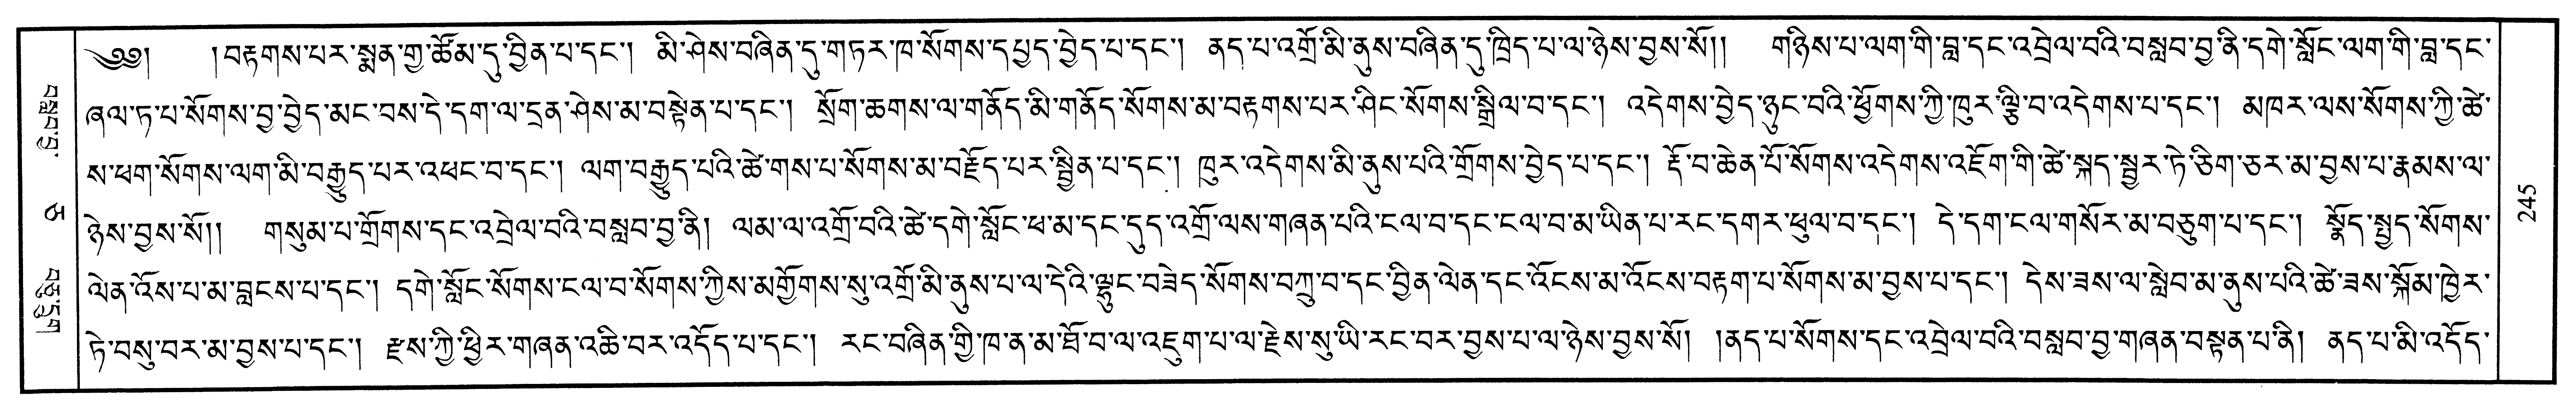༄༅། །བརྟགས་པར་སྨན་གྱ་ཚོམ་དུ་བྱིན་པ་དང་། མི་ཤེས་བཞིན་དུ་གཏར་ཁ་སོགས་དཔྱད་བྱེད་པ་དང་། ནད་པ་འགྲོ་མི་ནུས་བཞིན་དུ་ཁྲིད་པ་ལ་ཉེས་བྱས་སོ།། གཉིས་པ་ལག་གི་བླ་དང་འབྲེལ་བའི་བསླབ་བྱ་ནི་དགེ་སློང་ལག་གི་བླ་དང་
ཞལ་ཏ་པ་སོགས་བྱ་བྱེད་མང་བས་དེ་དག་ལ་དྲན་ཤེས་མ་བསྟེན་པ་དང་། སྲོག་ཆགས་ལ་གནོད་མི་གནོད་སོགས་མ་བརྟགས་པར་ཤིང་སོགས་སྒྲིལ་བ་དང་། འདེགས་བྱེད་ཉུང་བའི་ཕྱོགས་ཀྱི་ཁུར་ལྕི་བ་འདེགས་པ་དང་། མཁར་ལས་སོགས་ཀྱི་ཚེ་
ས་ཕག་སོགས་ལག་མི་བརྒྱུད་པར་འཕང་བ་དང་། ལག་བརྒྱུད་པའི་ཚེ་གས་པ་སོགས་མ་བརྗོད་པར་སྦྱིན་པ་དང་། ཁུར་འདེགས་མི་ནུས་པའི་གྲོགས་བྱེད་པ་དང་། རྡོ་བ་ཆེན་པོ་སོགས་འདེགས་འཇོག་གི་ཚེ་སྐད་སྦྱར་ཏེ་ཅིག་ཅར་མ་བྱས་པ་རྣམས་ལ་
ཉེས་བྱས་སོ།། གསུམ་པ་གྲོགས་དང་འབྲེལ་བའི་བསླབ་བྱ་ནི། ལམ་ལ་འགྲོ་བའི་ཚེ་དགེ་སློང་ཕ་མ་དང་དུད་འགྲོ་ལས་གཞན་པའི་ངལ་བ་དང་ངལ་བ་མ་ཡིན་པ་རང་དགར་ཕུལ་བ་དང་། དེ་དག་ངལ་གསོར་མ་བཅུག་པ་དང་། སྣོད་སྤྱད་སོགས་
ལེན་འོས་པ་མ་བླངས་པ་དང་། དགེ་སློང་སོགས་ངལ་བ་སོགས་ཀྱིས་མགྱོགས་སུ་འགྲོ་མི་ནུས་པ་ལ་དེའི་ལྷུང་བཟེད་སོགས་བཀྲུ་བ་དང་བྱིན་ལེན་དང་འོངས་མ་འོངས་བརྟག་པ་སོགས་མ་བྱས་པ་དང་། དེས་ཟས་ལ་སླེབ་མ་ནུས་པའི་ཚེ་ཟས་སྐོམ་ཁྱེར་
ཏེ་བསུ་བར་མ་བྱས་པ་དང་། རྫས་ཀྱི་ཕྱིར་གཞན་འཆི་བར་འདོད་པ་དང་། རང་བཞིན་གྱི་ཁ་ན་མ་ཐོ་བ་ལ་འཇུག་པ་ལ་རྗེས་སུ་ཡི་རང་བར་བྱས་པ་ལ་ཉེས་བྱས་སོ། །ནད་པ་སོགས་དང་འབྲེལ་བའི་བསླབ་བྱ་གཞན་བསྟན་པ་ནི། ནད་པ་མི་འདོད་